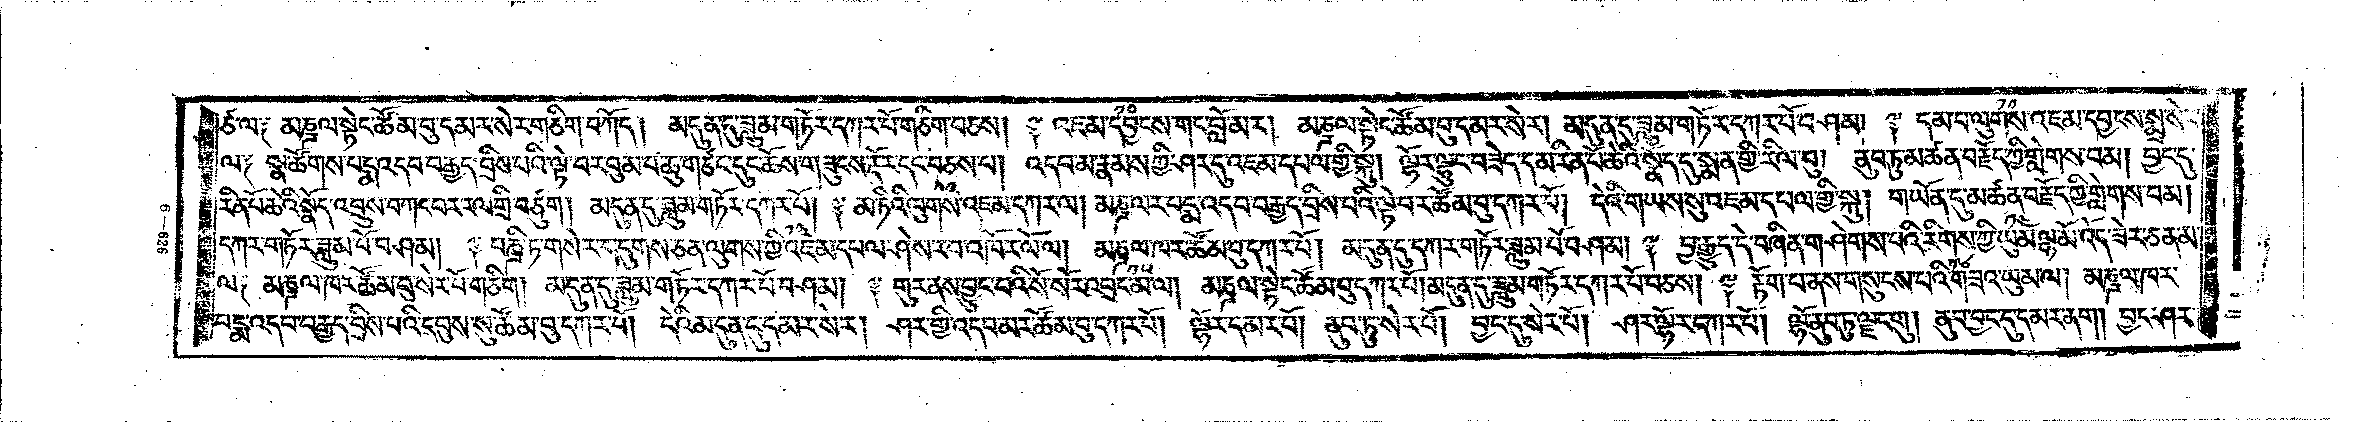ཙ་ལ༑ མཎྜལ་སྟེང་ཚོམ་བུ་དམར་སེར་གཅིག་བཀོད། མདུན་དུ་ཟླུམ་གཏོར་དཀར་པོ་གཅིག་བཅས། ༈ འཇམ་དབྱངས་གང་བློ་མར། མཎྜལ་སྟེང་ཚོམ་བུ་དམར་སེར། མདུན་དུ་ཟླུམ་གཏོར་དཀར་པོ་བཤམ། ༈ དམ་པ་ལུགས་འཇམ་དབྱངས་སྨྲ་སེར་
ལ༑ སྣ་ཚོགས་པདམ་འདབ་བརྒྱད་བྲིས་པའི་ལྟེ་བར་བུམ་པ་ཆུ་གཙང་དུང་ཆོས་གཟུངས་རྡོར་དང་བཅས་པ། འདབ་མ་རྣམས་ཀྱི་ཤར་དུ་འཇམ་དཔལ་གྱི་སྐུ། ལྷོར་ལྷུང་བཟེད་དམ་རིན་པོ་ཆེའི་སྣོད་དུ་སྨན་གྱི་རིལ་བུ། ནུབ་ཏུ་མཚན་བརྗོད་ཀྱི་གླེགས་བམ། བྱང་དུ་
རིན་པོ་ཆེའི་སྣོད་འབྲུས་བཀང་བར་རལ་གྲི་བཙུག ། མདུན་དུ་ཟླུམ་གཏོར་དཀར་པོ། ༈ མ་ཏིའི་ལུགས་འཇམ་དཀར་ལ། མཎྜལ་ལར་པདམ་འདབ་བརྒྱད་བྲིས་པའི་ལྟེ་བར་ཚོམ་བུ་དཀར་པོ། དེའི་གཡས་སུ་འཇམ་དཔལ་གྱི་སྐུ། གཡོན་དུ་མཚན་བརྗོད་ཀྱི་གླེགས་བམ།
དཀར་གཏོར་ཟླུམ་པོ་བཤམ། ༈ པཎྜི་ཏ་གསེར་གདུགས་ཅན་ལུགས་ཀྱི་འཇམ་དཔལ་ཤེས་རབ་འཁོར་ལོ་ལ། མཎྜལ་ཁར་ཚོམ་བུ་དཀར་པོ། མདུན་དུ་དཀར་གཏོར་ཟླུམ་པོ་བཤམ། ༈ བྱ་རྒྱུད་དེ་བཞིན་གཤེགས་པའི་རིགས་ཀྱི་ཡུམ་ལྷ་མོ་འོད་ཟེར་ཅན་མ་
ལ༑ མཎྜལ་ཁར་ཚོམ་བུ་སེར་པོ་གཅིག། མདུན་དུ་ཟླུམ་གཏོར་དཀར་པོ་བཤམ། ༈ གུར་ནས་བྱུང་བའི་སོ་སོར་འབྲང་མ་ལ། མཎྜལ་སྟེང་ཚོམ་བུ་དཀར་པོ། མདུན་དུ་ཟླུམ་གཏོར་དཀར་པོ་བཅས། ༈ རྟོག་པ་ནས་གསུངས་པའི་གཟའ་ཡུམ་ལ། མཎྜལ་ཁར་
པདམ་འདབ་བརྒྱད་བྲིས་པའི་དབུས་སུ་ཚོམ་བུ་དཀར་པོ། དེའི་མདུན་དུ་དམར་སེར། ཤར་གྱི་འདབ་མར་ཚོམ་བུ་དཀར་པོ། ལྷོར་དམར་པོ། ནུབ་ཏུ་སེར་བོ། བྱང་དུ་སེར་བོ། ཤར་ལྷོར་དཀར་པོ། ལྷོ་ནུབ་ཏུ་ལྗང་གུ། ནུབ་བྱང་དུ་དམར་ནག། བྱང་ཤར་